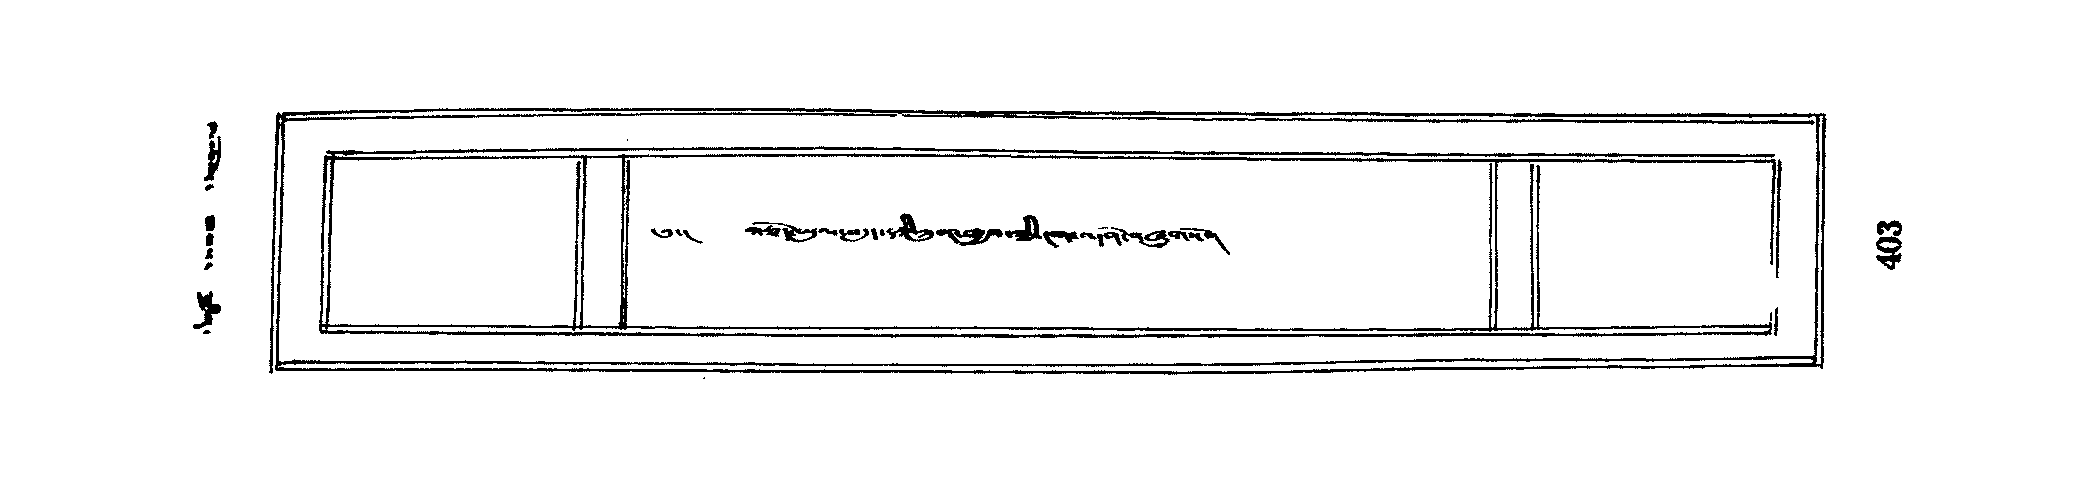གཅོད་ཡུལ་བདུད་རྩི་ཀུན་ཁྱབ་ཀྱི་ངག་འདོན་བཞུགས་སོ།